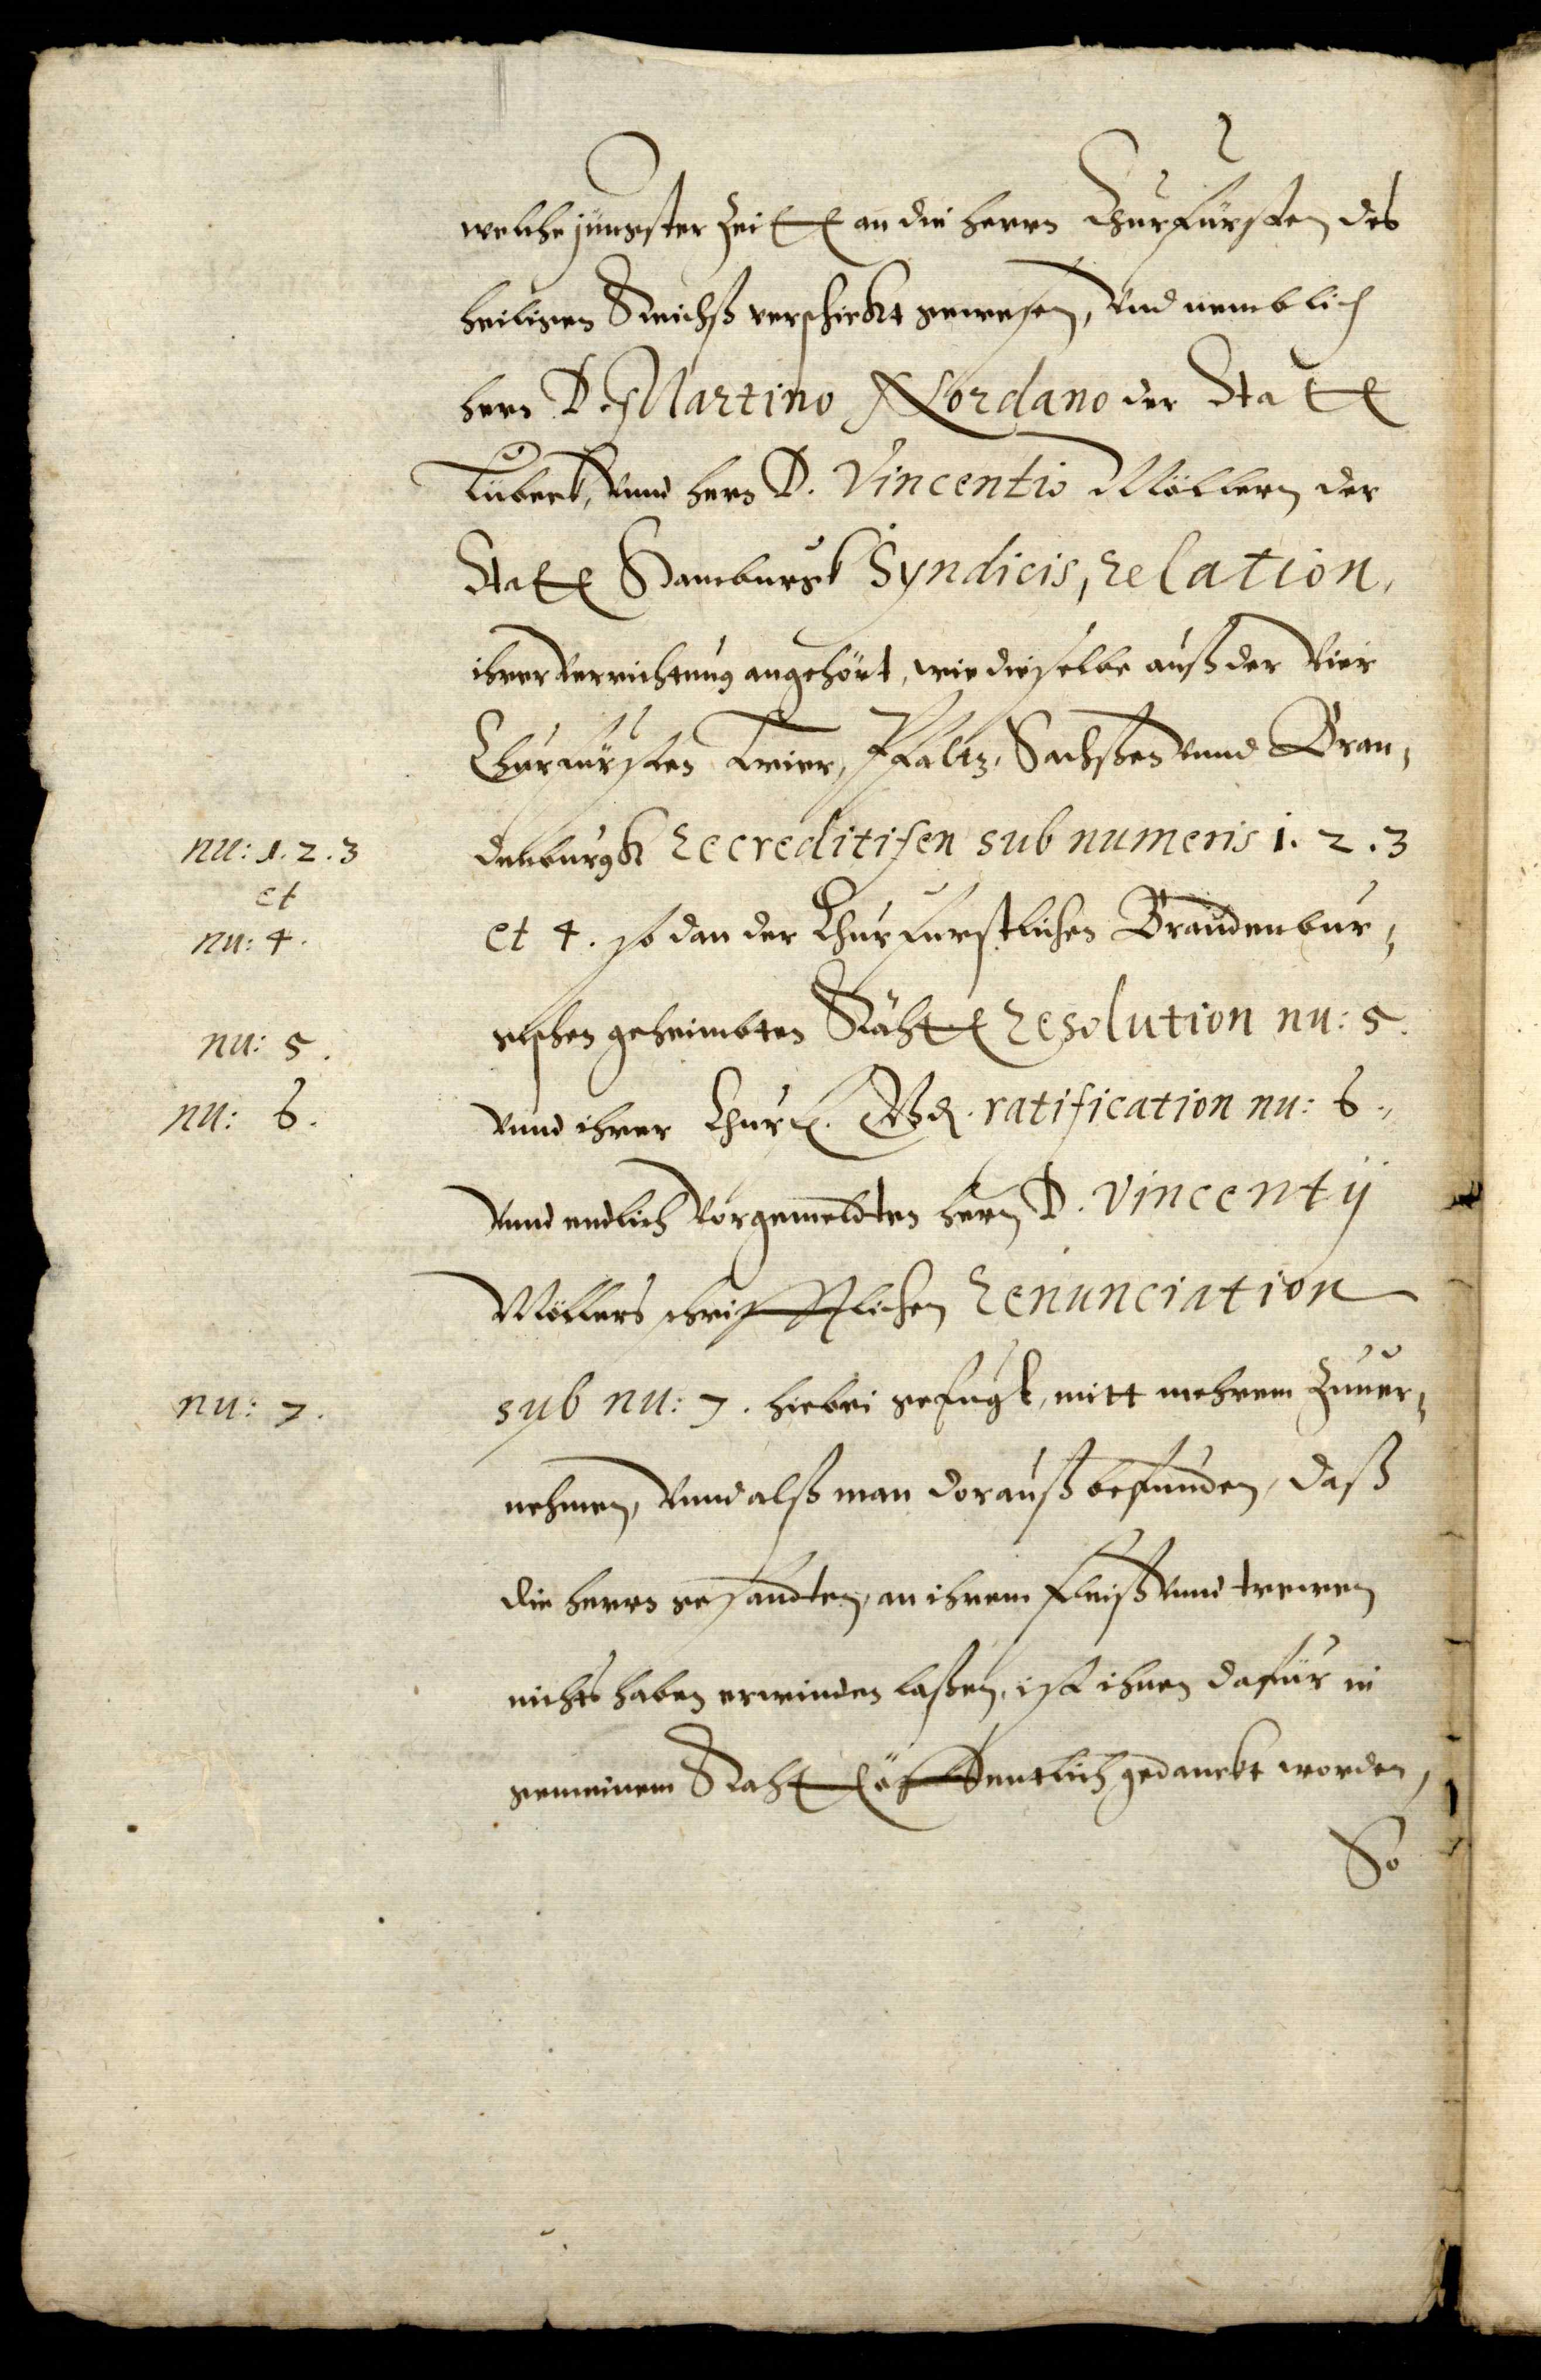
welche jüngster zeitt an die herrn Churfürsten des
heiligen Reichß verschickt gewesen, vnd nemblich
hern D. Martino Nordano der Statt
Lübeck, vnnd hern D. Vincentio Möllern der
Statt Hamburgk Syndicis, relation
ihrer Verrichtung angehört, wie dieselbe auß der vier
Churfürsten Trier, Pfaltz, Sachßen vnnd Bran¬
denburgk recreditifen sub numeris 1. 2. 3
et 4. so dan der Churfurstlichen Brandenburg¬
gischen geheimbten Rähtt resolution nu: 5.
vnnd ihrer Churf. Gden ratification nu: 6.
vnnd endlich Vorgemeldten herrn D. Vincentij
Möllers schrifftlichen renunciation
sub nu: 7. hiebei gefugt, mitt mehrem zuuer¬
nehmen, vnnd alß man dorauß befunden, daß
die herrn gesandten an ihrem fleiß vnnd trewen
nicht haben erwinden laßen, ißt ihnen dafür in
gemeinem Rahtt öffentlich gedankt worden,
So
nu: 1.2.3
et
nu: 4.
nu: 5.
nu: 6.
nu: 7
